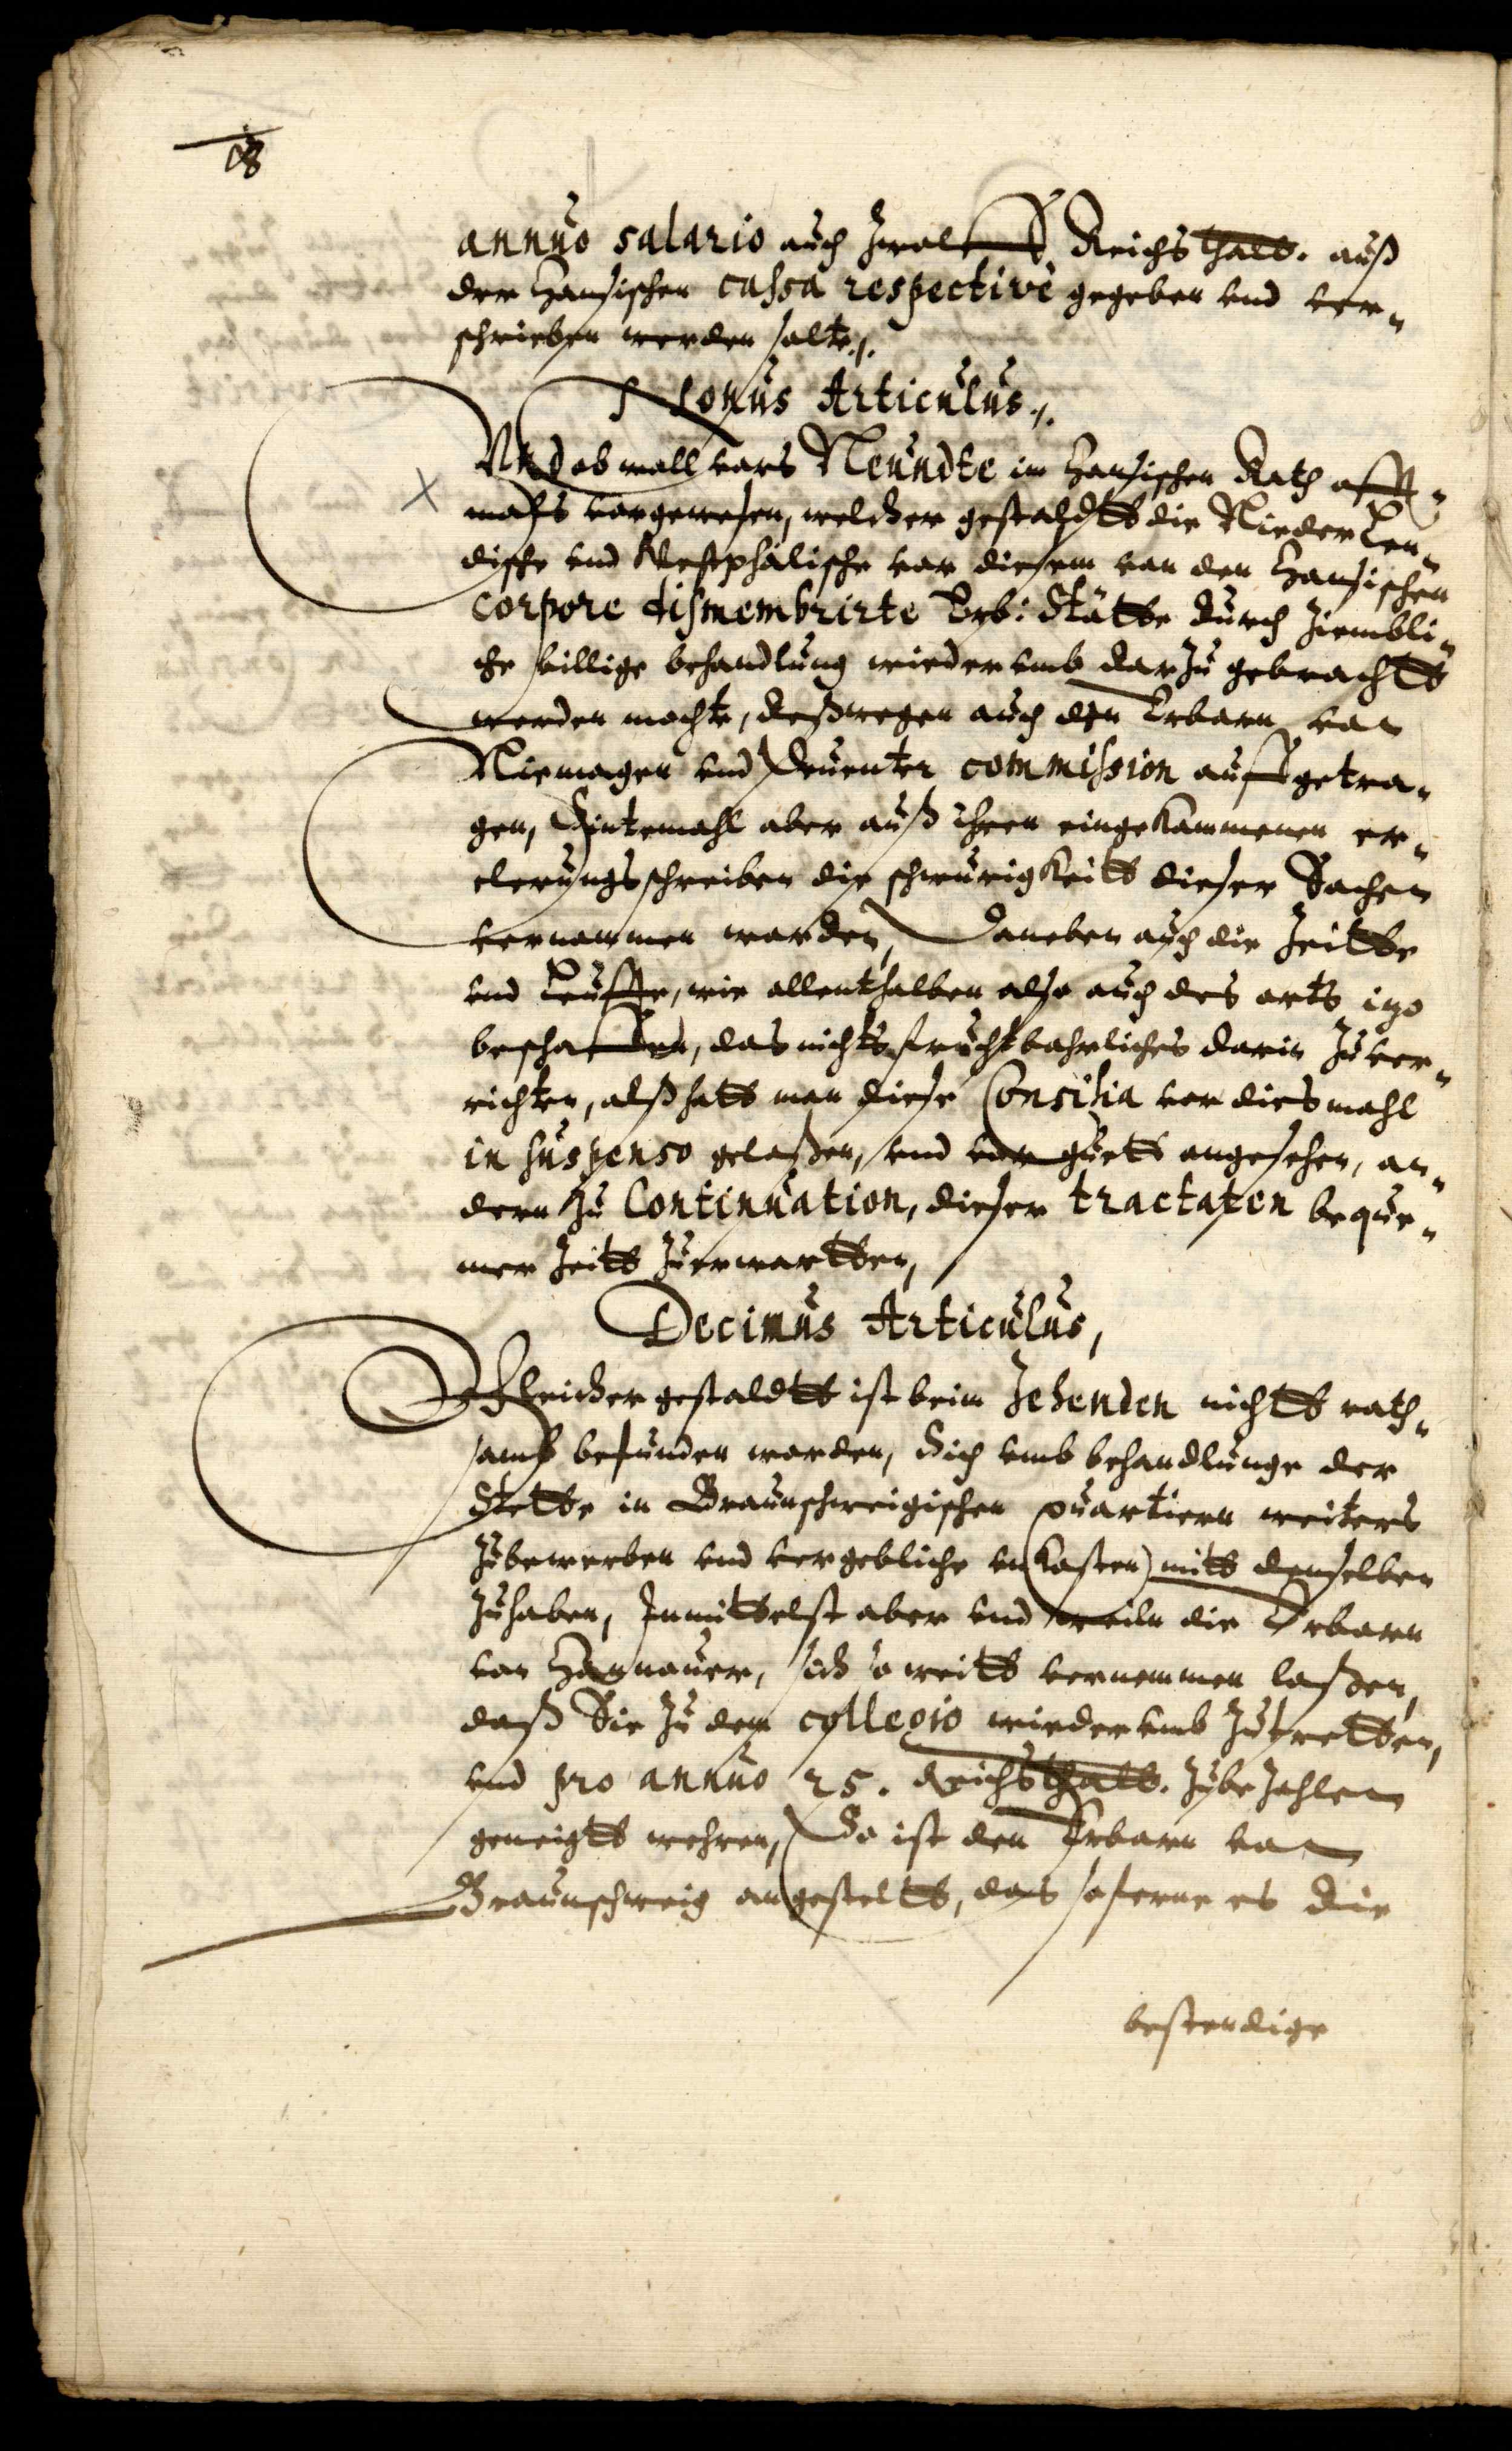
18
annuo salario auch Zwolff Reichsthall. auß
der Hansischen cassa respective gegeben vnd ver¬
schrieben werden solte.,.
Nonus Articulus.,.
Vnd ob woll vors Neundte im Hansischen Rath offt¬
mals vorgewesen, welcher gestaldtt die NiederLen¬
dische vnd Westphälische vor diesem von den Hansischen
corpore dismembrirte Erb: Stätte Durch Ziembli¬
che billige behandlung wiedervmb darZu gebrachtt
werden mochte, deßwegen auch den Erbarn von
Niemagen vnd deuenter commission auffgetra¬
gen, Sintemahl aber auß ihren eingekommenen er¬
clerungsschreiben die schwurigkeitt dieser Sachen
vernommen worden, daneben auch die Zeitte
vnd Leuffe, wie allenthalben also auch des orts itzo
beschaffen, das nichts fruchtbahrliches darin Zuver¬
richten, alß hatt man diese Consilia vor diesmahl
in suspenso gelaßen, vnd vor guett angesehen, an¬
dern Zu Continuation, dieser tractaten beque¬
mer Zeitt zu erwartten,
Decimus Articulus,
Gleicher gestaldtt ist beim Zehenden nichtt rath¬
samb befunden worden, Sich vmb behandlunge der
Stette in Braunschweigischen quartiern weiters
Zubewerben vnd vergebliche vnkosten mitt demselben
Zuhaben, Inmittelst aber vnd weiln die Erbarn
von Hannouer, sich so weitt vernemmen laßen,
daß Sie Zu dem collegio wiedervmb Zutretten,
vnd pro annuo 25. Reichsthall. ZubeZahlen
geneigtt wehren, So ist den Erbarn von
Braunschweig angesteltt, das soferne es die
bestendige
